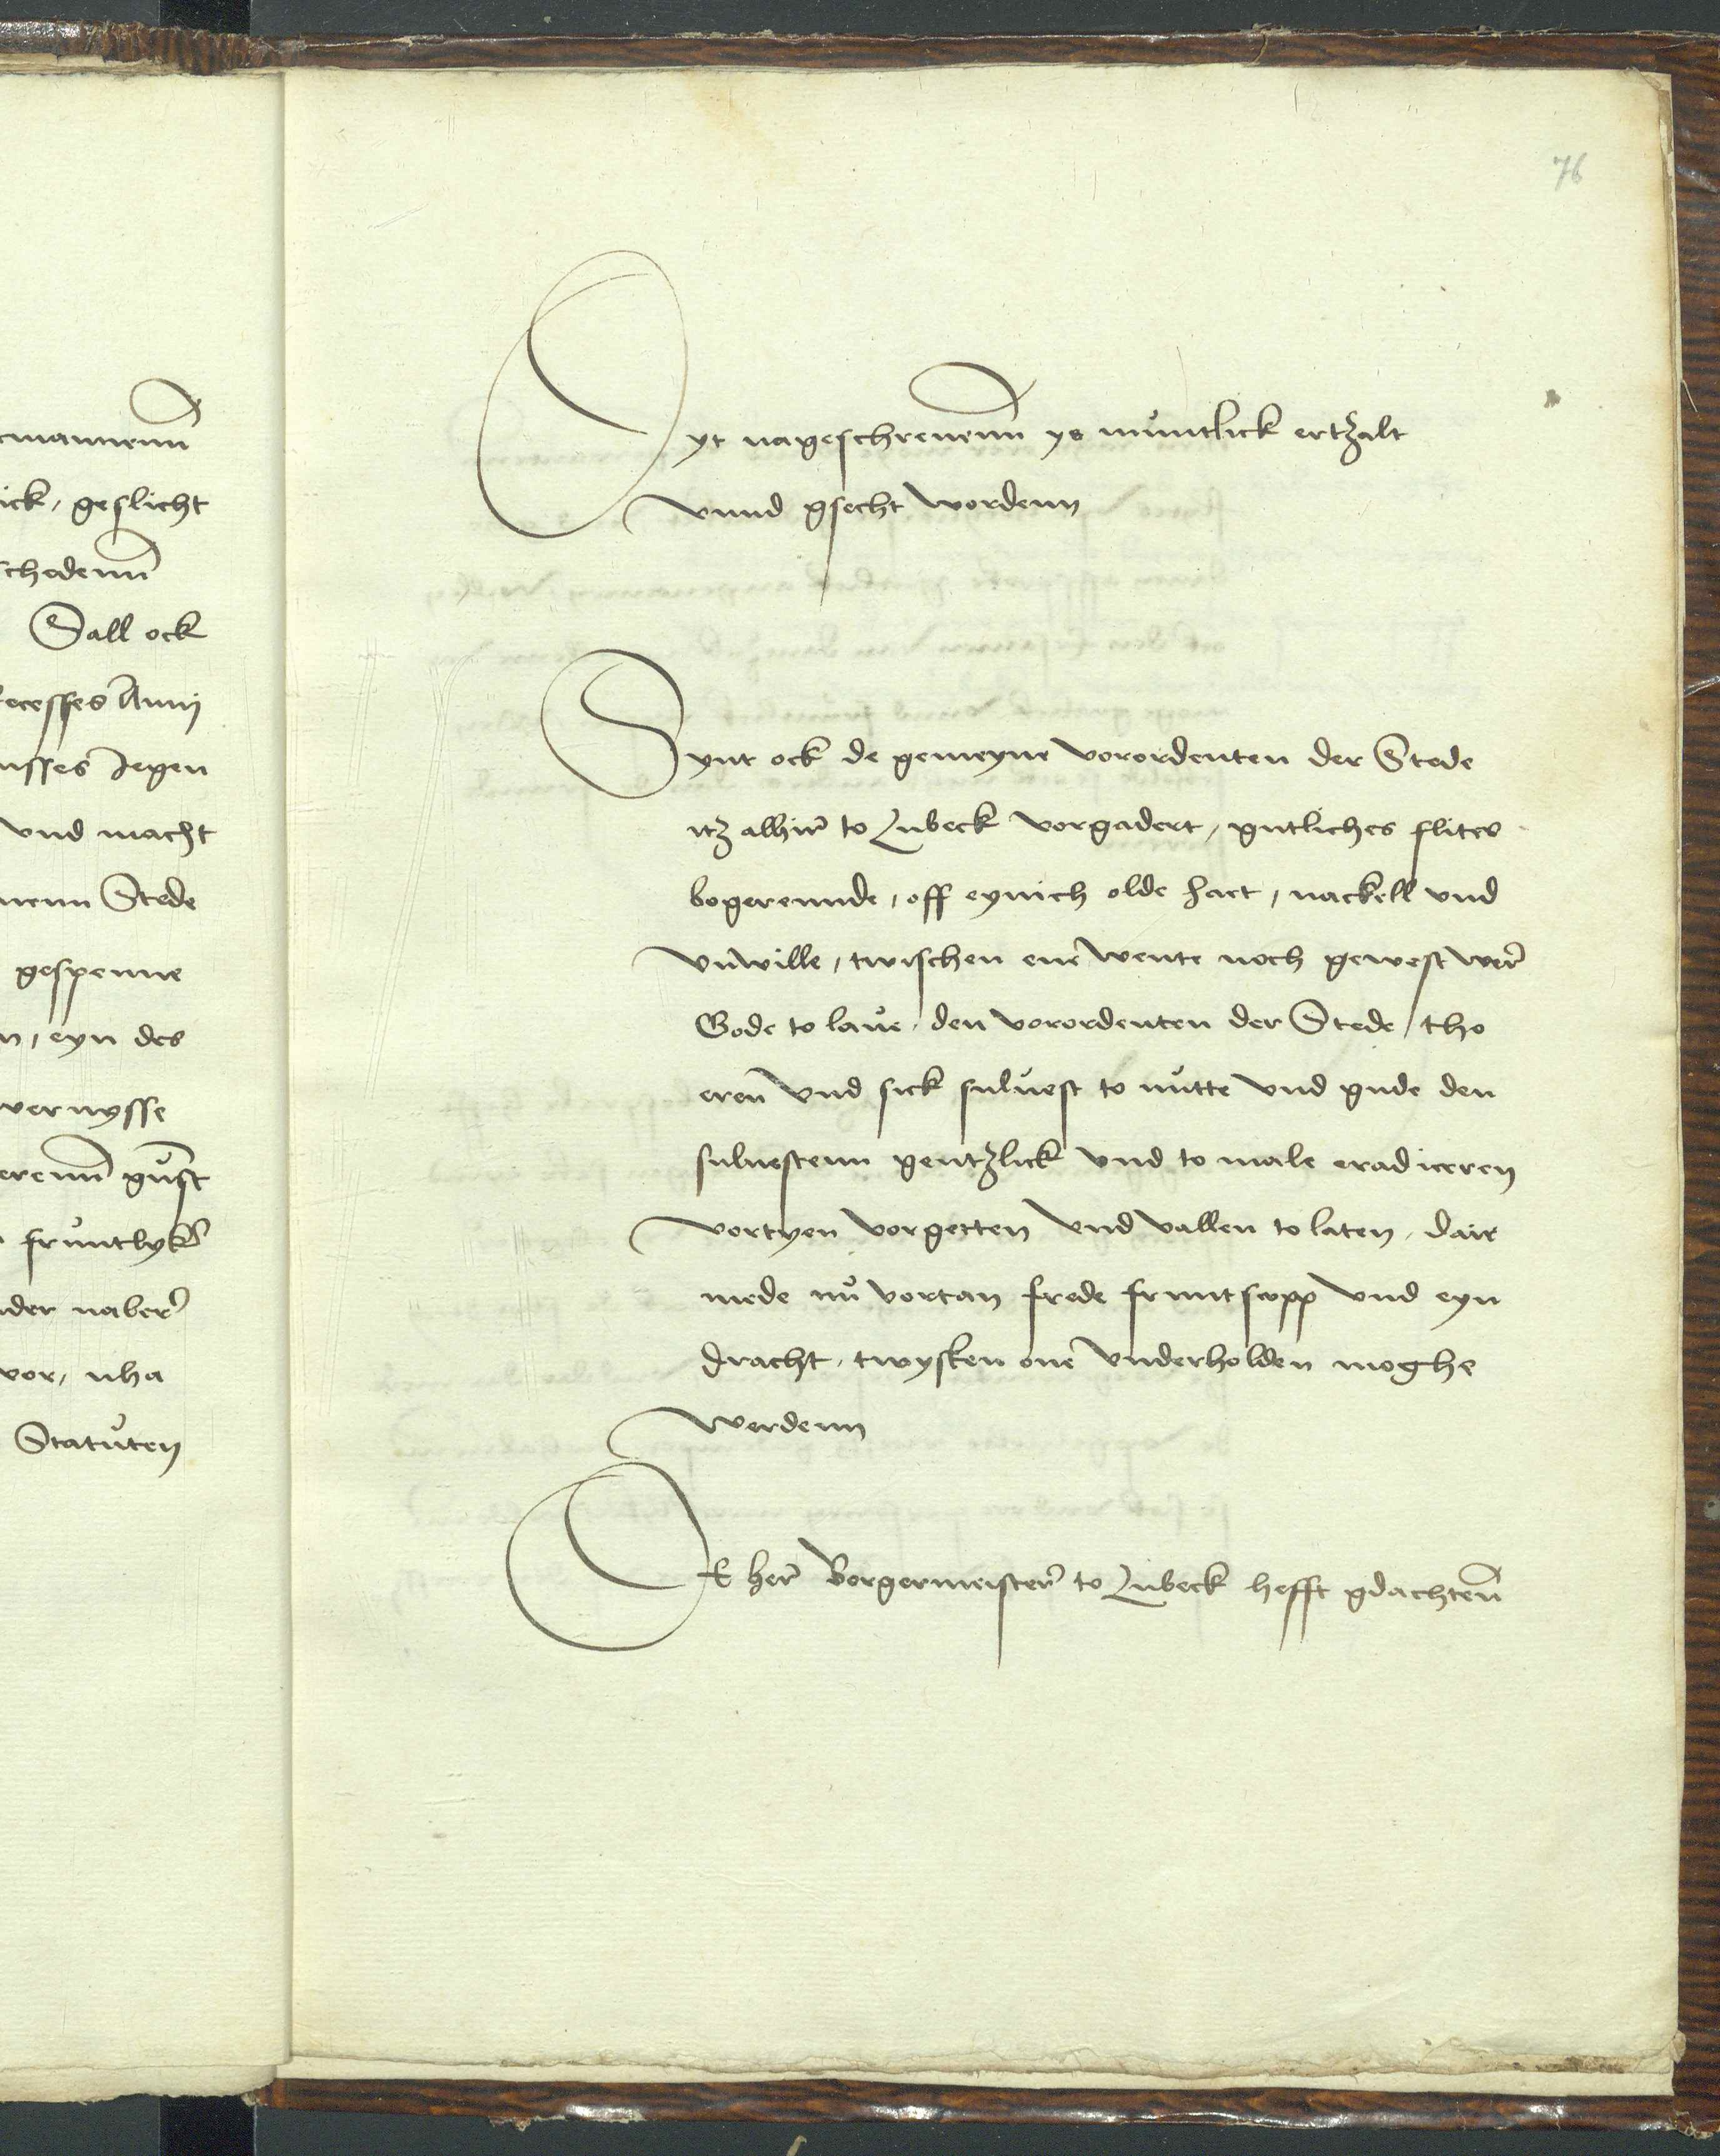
Dyt nageschreuenn ys muntlick ertzalt
vnnd gsecht wordenn
Synt ok de gemeyne vorordenten der Stede
itz alhir to Lubeck vorgadert, gutlikes flites
bogerennde, off eynich olde haet, nackell vnd
vnwille, twischen ene wente noch gewest were
Gode to laue, den vorordenten der Stede tho
eren vnd sick suluest to nutte vnd gude den
suluestenn gentzlick vnd to male eradiceren
vortyen vorgetten vnd vallen to laten, dair¬
mede nu vortan frede fruntscopp vnd eyn¬
dracht twysken one underholden moghe
werdenn
De her Borgermester to Lubeck hefft gdachten
